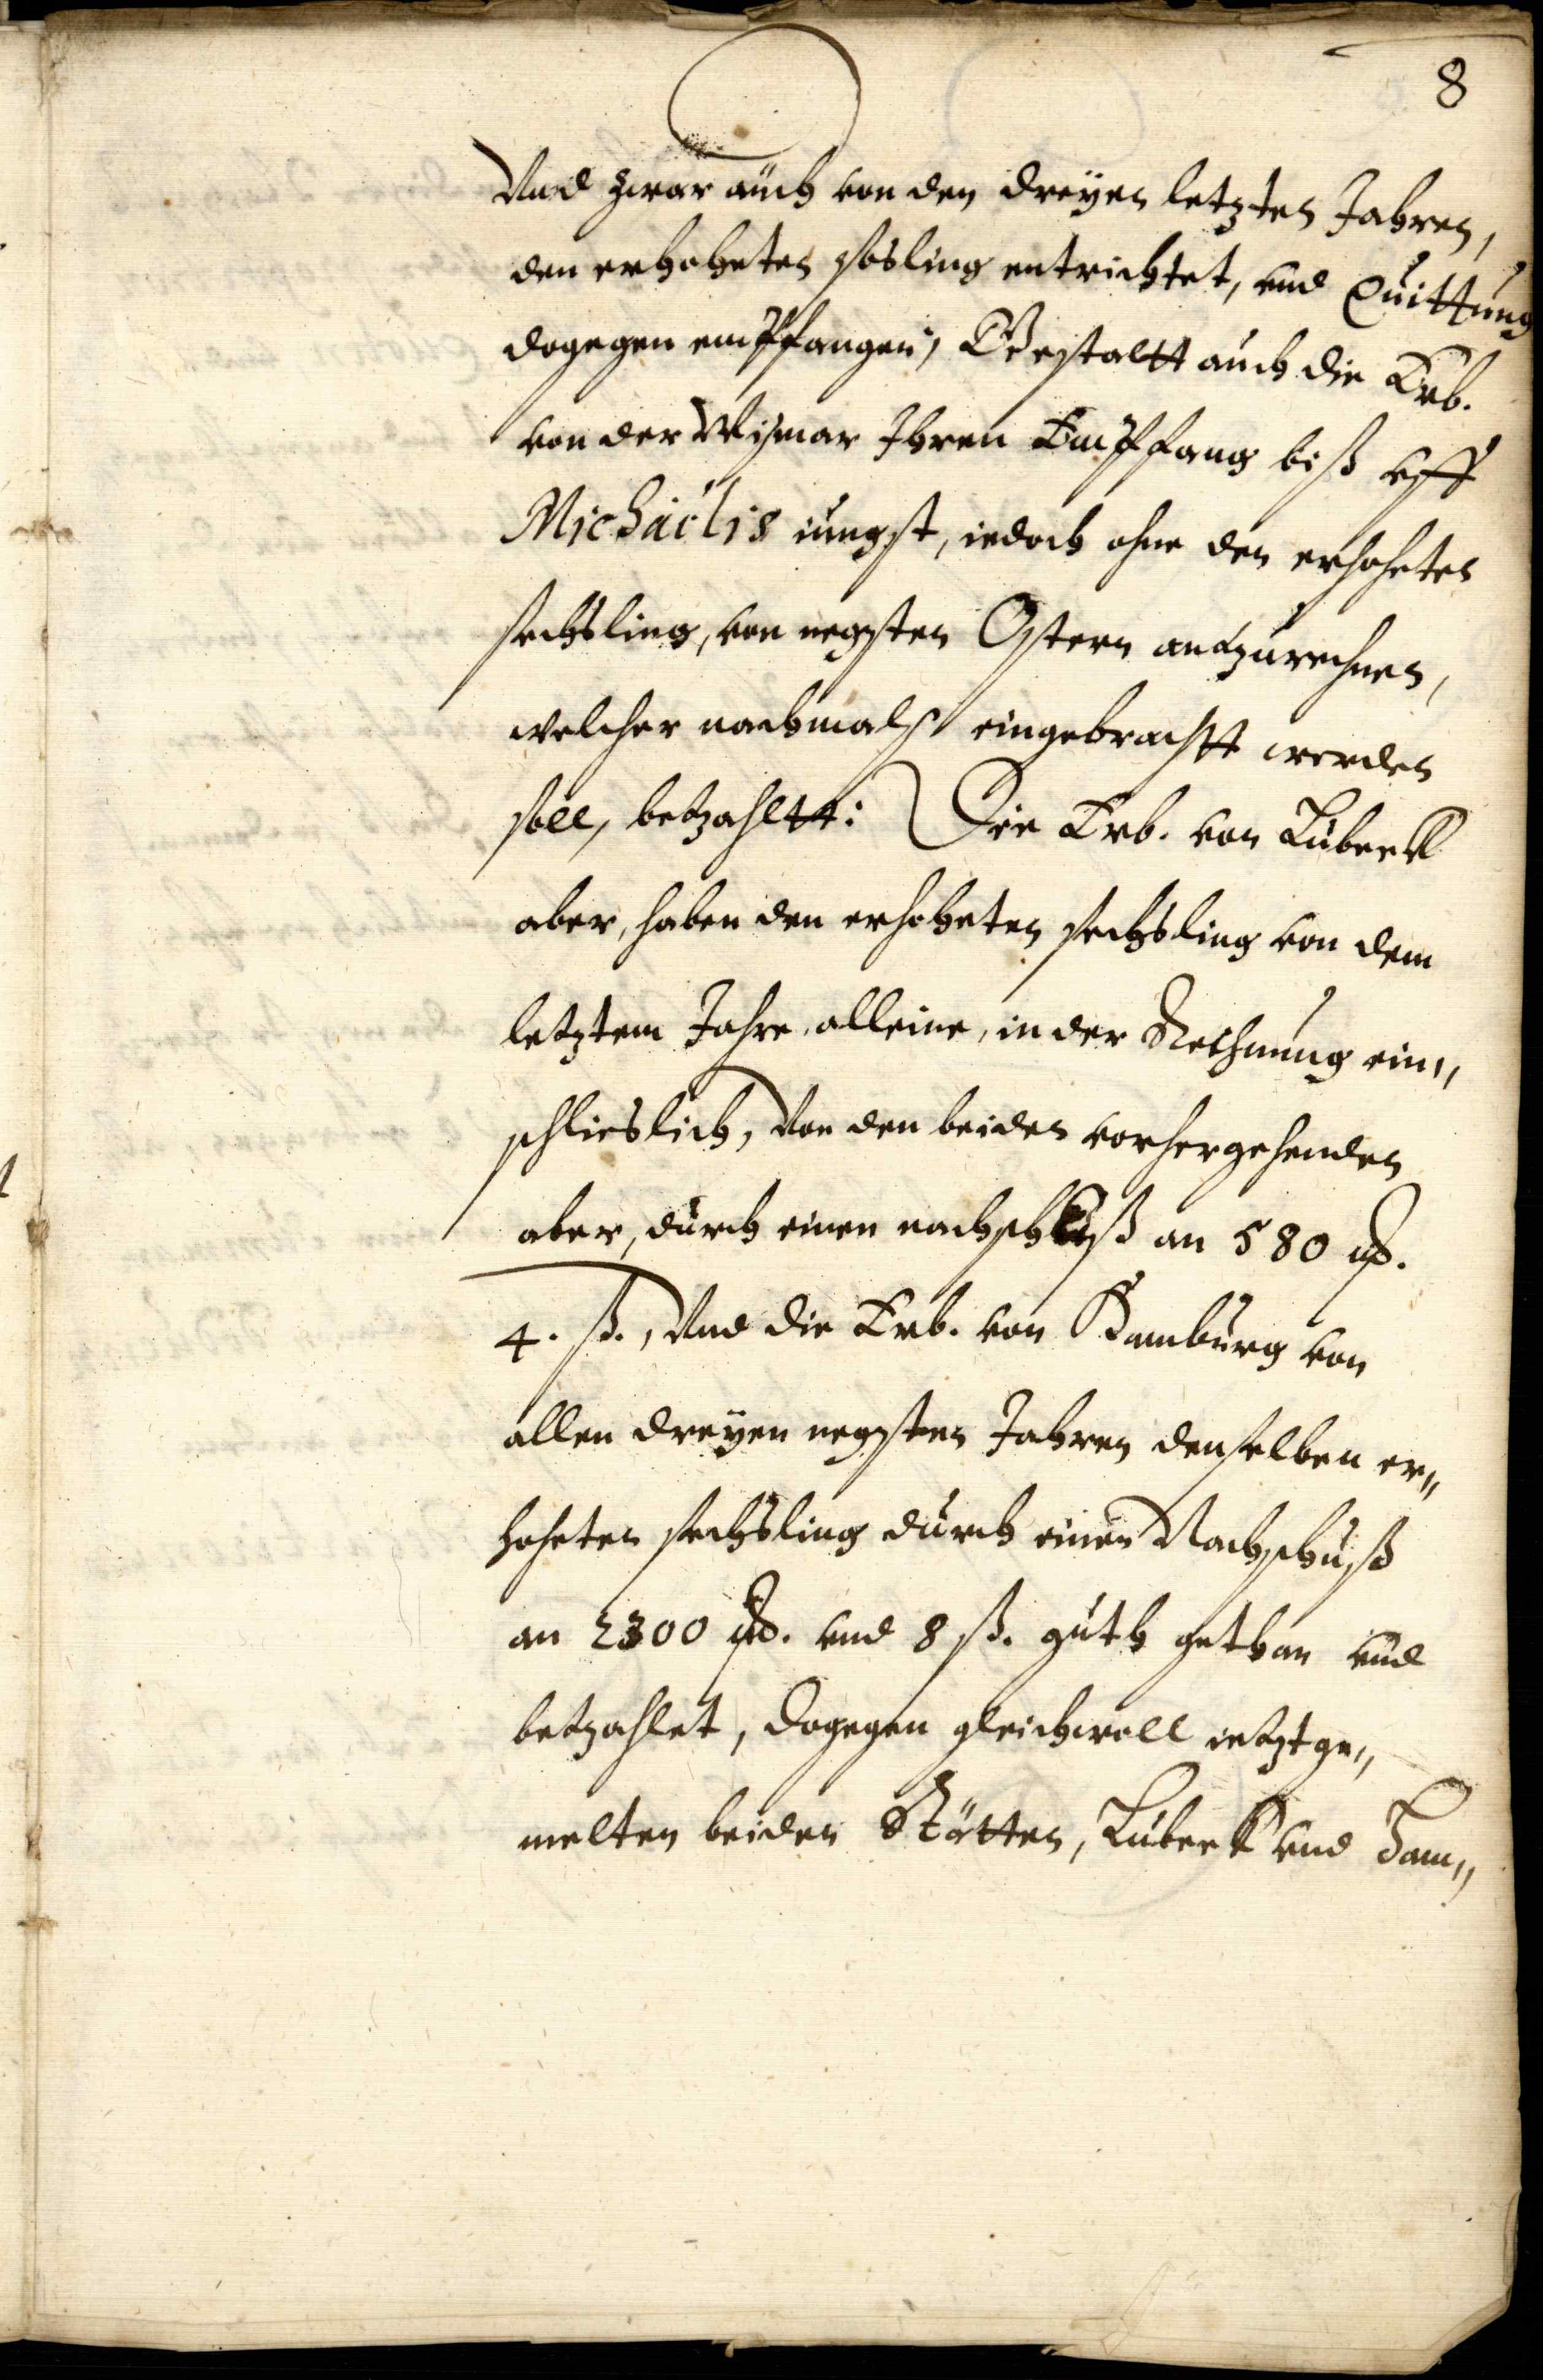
8
Vnd zwar aüch von den dreijen letzten Jahren,
den erhoheten sosling entrichtet, vnd quittung
dogegen empfangen; Gestaltt auch die Erb.
von der Wismar Ihren Empfang biß vff
Michaelis iungst, iedoch ohne den erhoheten,
sechsling, von negsten Ostern antzurechnen,
welcher nachmalß eingebrachtt werden
soll, betzahltt: Die Erb. von Lubeck
aber, haben den erhoheten sechsling von dem
letztem Jahre alleine, in der Rechnung ein¬
schlieslich, Vor den beiden vorhergehenden
aber, durch einen nachschluß an 580 ₻.
4. ß., Vnd die Erb. von Hamburg von
allen dreijen negsten Jahren denselben er¬
hoheten sechsling durch einen Nachschuß
an 2300 ₻. vnd 8 ß. guth gethan vnd
betzahlet, dogegen gleichwoll ietztge¬
melten beiden Stätten, Lubeck vnd Ham¬
